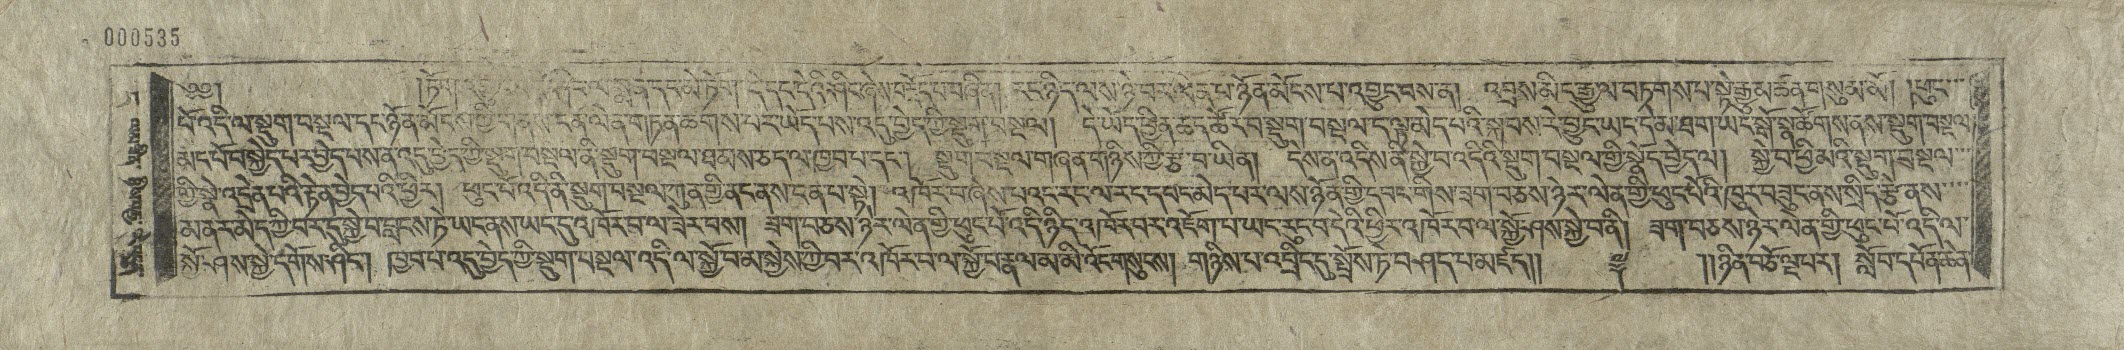༄༅། །ཏོག་འབྱུང་བའི་ཤིང་ལ་སྨན་དང་མེ་ཏོག་དེ་དང་དེའི་ཤིང་ཞེས་བརྗོད་པ་བཞིན། རང་ཉིད་ལས་ཉེ་བར་ལེན་པ་ཉོན་མོངས་པ་འབྱུང་བས་ན། འབྲས་མིང་རྒྱུ་ལ་བཏགས་པ་སྟེ་རྒྱུ་མཚན་གསུམ་མོ། །ཕུང་
པོ་འདི་ལ་སྡུག་བསྔལ་དང་ཉོན་མོངས་ཀྱི་གནས་ངན་ལེན་གཏན་ཆགས་པར་ཡོད་པས་འདུ་བྱེད་ཀྱི་སྡུག་བསྔལ། དེ་ཡོད་ཕྱིན་ཆད་ཚོར་བ་སྡུག་བསྔལ་ད་ལྟ་མེད་པའི་སྐབས་རེ་བྱུང་ཡང་དེ་མ་ཐག་ཡང་སྒོ་སྣ་ཚོགས་ནས་སྡུག་བསྔལ་
མང་པོ་བསྐྱེད་པར་བྱེད་པས་ན་འདུ་བྱེད་ཀྱི་སྡུག་བསྔལ་ནི་སྡུག་བསྔལ་ཐམས་ཅད་ལ་ཁྱབ་པ་དང་། སྡུག་བསྔལ་གཞན་གཉིས་ཀྱི་རྩ་བ་ཡིན། དེས་ན་འདིས་ནི་སྐྱེ་བ་འདིའི་སྡུག་བསྔལ་གྱི་སྣོད་བྱེད་ལ། སྐྱེ་བ་ཕྱི་མའི་སྡུག་བསྔལ་
གྱི་སྣེ་འདྲེན་པའི་རྟེན་བྱེད་པའི་ཕྱིར། ཕུང་པོ་འདི་ནི་སྡུག་བསྔལ་ཀུན་གྱི་ནང་ནས་ངན་པ་སྟེ། འཁོར་བ་ཞེས་པའང་རང་ལ་རང་དབང་མེད་པར་ལས་ཉོན་གྱི་དབང་གིས་ཟག་བཅས་ཉེར་ལེན་གྱི་ཕུང་པོའི་ཁུར་བཟུང་ནས་སྲིད་རྩེ་ནས་
མནར་མེད་ཀྱི་བར་དུ་སྐྱེ་བ་བླངས་ཏེ་ཡང་ནས་ཡང་དུ་འཁོར་བ་ལ་ཟེར་བས། ཟག་བཅས་ཉེར་ལེན་གྱི་ཕུང་པོ་འདི་ཉིད་འཁོར་བར་འཇོག་པ་ཡང་རུང་བ་དེའི་ཕྱིར་འཁོར་བ་ལ་སྐྱོ་ཤས་སྐྱེ་བ་ནི། ཟག་བཅས་ཉེར་ལེན་གྱི་ཕུང་པོ་འདི་ལ་
སྐྱོ་ཤས་སྐྱེ་དགོས་ཤིང་། ཁྱབ་པ་འདུ་བྱེད་ཀྱི་སྡུག་བསྔལ་འདི་ལ་སྐྱོ་བ་མ་སྐྱེས་ཀྱི་བར་འཁོར་བ་ལ་སྐྱོ་བ་རྣལ་མ་མི་འོང་གསུངས། གཉིས་པ་འབྲིང་དུ་སྤྲོས་ཏེ་བཤད་པ་མཛད།། ༈ །།ཉིན་བཅོ་ལྔ་པར། སློབ་དཔོན་ཆེན་